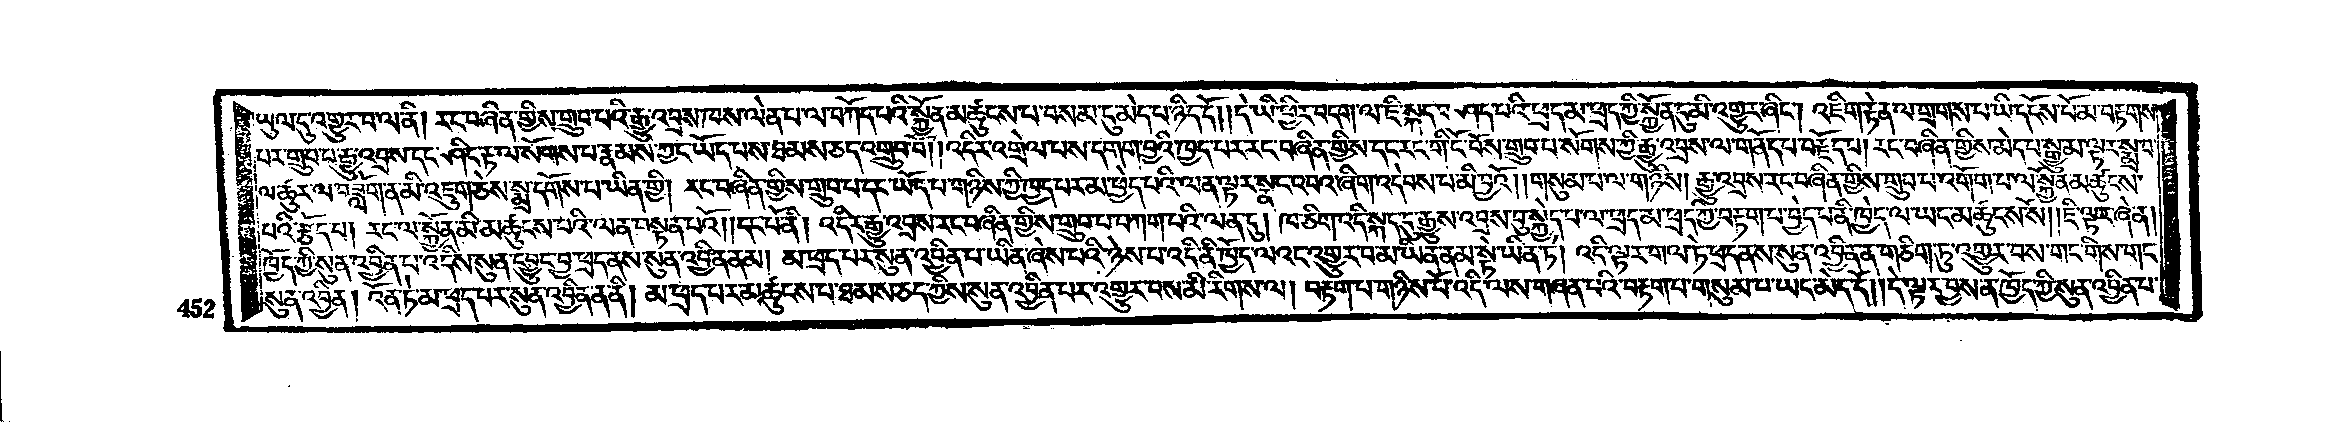ཡུལ་དུ་འགྱུར་བ་ལ་ནི། རང་བཞིན་གྱིས་གྲུབ་པའི་རྒྱུ་འབྲས་ཁས་ལེན་པ་ལ་བཀོད་པའི་སྐྱོན་མཚུངས་པ་བསམ་དུ་མེད་པ་ཉིད་དོ། །དེ་ཡི་ཕྱིར་བདག་ལ་ཇི་སྐད་བཤད་པའི་ཕྲད་མ་ཕྲད་ཀྱི་སྐྱོན་དུ་མི་འགྱུར་ཞིང་། འཇིག་རྟེན་ལ་གྲགས་པ་ཡི་དངོས་པོ་མ་བརྟགས་
པར་གྲུབ་པ་རྒྱུ་འབྲས་དང་ཤིང་རྟ་ལ་སོགས་པ་རྣམས་ཀྱང་ཡོད་པས་ཐམས་ཅད་འགྲུབ་བོ། །འདིར་འགྲེལ་པས་དགག་བྱའི་ཁྱད་པར་རང་བཞིན་གྱིས་དང་རང་གི་ངོ་བོས་གྲུབ་པ་སོགས་ཀྱི་རྒྱུ་འབྲས་ལ་གནོད་པ་བརྗོད་པ། རང་བཞིན་གྱིས་མེད་པ་སྒྱུ་མ་ལྟར་སྨྲ་བ་
ལ་ཚུར་ལ་བཟློག་ན་མི་འཇུག་ཅེས་སྨྲ་དགོས་པ་ཡིན་གྱི། རང་བཞིན་གྱིས་གྲུབ་པ་དང་ཡོད་པ་གཉིས་ཀྱི་ཁྱད་པར་མ་ཕྱེད་པའི་ལན་ལྟར་སྣང་འབའ་ཞིག་འདེབས་པ་མི་བྱའོ། །གསུམ་པ་ལ་གཉིས། རྒྱུ་འབྲས་རང་བཞིན་གྱིས་གྲུབ་པ་འགོག་པ་ལ་སྐྱོན་མཚུངས་
པའི་རྩོད་པ། རང་ལ་སྐྱོན་མི་མཚུངས་པའི་ལན་བསྟན་པའོ། །དང་པོ་ནི། འདིར་རྒྱུ་འབྲས་རང་བཞིན་གྱིས་གྲུབ་པ་བཀག་པའི་ལན་དུ། ཁ་ཅིག་འདི་སྐད་དུ་རྒྱུས་འབྲས་བུ་སྐྱེད་པ་ལ་ཕྲད་མ་ཕྲད་ཀྱི་བརྟག་པ་བྱེད་པ་ནི་ཁྱེད་ལ་ཡང་མཚུངས་སོ། །ཇི་ལྟར་ཞེ་ན།
ཁྱོད་ཀྱི་སུན་འབྱིན་པ་འདིས་སུན་དབྱུང་བྱ་ཕྲད་ནས་སུན་འབྱིན་ནམ། མ་ཕྲད་པར་སུན་འབྱིན་པ་ཡིན་ཞེས་པའི་ཉེས་པ་འདི་ནི་ཁྱོད་ལའང་འགྱུར་བ་མ་ཡིན་ནམ་སྟེ་ཡིན་ཏེ། འདི་ལྟར་གལ་ཏེ་ཕྲད་ནས་སུན་འབྱིན་ན་གཅིག་ཏུ་འགྱུར་བས་གང་གིས་གང་
སུན་འབྱིན། འོན་ཏེ་མ་ཕྲད་པར་སུན་འབྱིན་ན་ནི། མ་ཕྲད་པར་མཚུངས་པ་ཐམས་ཅད་ཀྱིས་སུན་འབྱིན་པར་འགྱུར་བས་མི་རིགས་ལ། བརྟགས་པ་གཉིས་པོ་འདི་ལས་གཞན་པའི་བརྟག་པ་གསུམ་པ་ཡང་མེད་དོ། །དེ་ལྟར་བྱས་ན་ཁྱོད་ཀྱི་སུན་འབྱིན་པ་